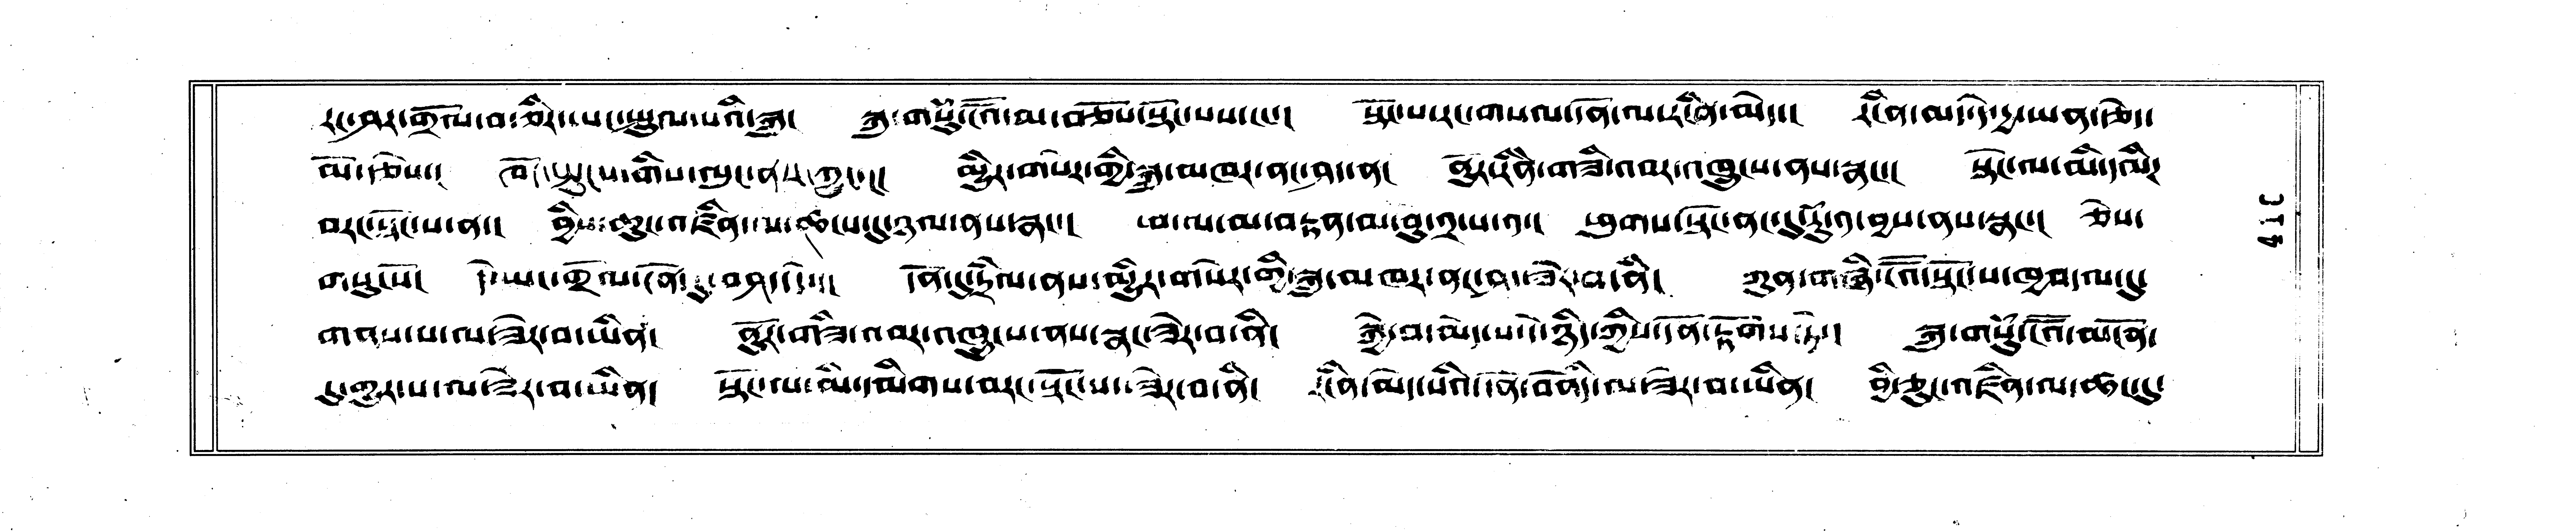རང་ཤར་དུ་གྲོལ་བས་ཅིར་ཡང་སྤྲུལ་པའི་སྐུ། སྐུ་གསུམ་ངོའོ་མ་བཅོས་སྟོང་པའི་ངང་། སྟོང་པ་རང་གསང་༼གསལ༽དོན་ལ་རང་བཞིན་མེད། རང་བཞིན་མེད་དེ་རྒྱ་ཡན་རྩེད་
མོ་རྩེས། ཁོད་སྤུངས་ཀྱིས་ཞལ་ནས། མི་འགྱུར་གསེར་གྱིས་སྐུ་མཁར་ནང་ཤེད་ན། ནོར་བུ་རིན་ཆེན་གཟི་འབར་འཁྲུང་ནས་སྣང་། སྟོང་ལ་མི་དམིགས་
བར་སྣང་སྟོང་པ་ན། བྱིལ་ཆུང་འཛིན་མ་ཚང་དུ་ཉལ་ནས་སྣང་། ཕ་ལས་མ་བརྟེན་མ་བུ་གཉིས་ཅིག ཕུག་སྟོང་ནང་དུ་རུམ་ཅིག་བྱས་ནས་སྣང་ཅེས་
གསུངས། དེ་ཡང་བཀྲོལ་དོན་དུ་བཤད་སྟེ། དོན་གཅིག་དུ་དྲིལ་ན། མི་འགྱུར་གསེར་གྱིས་སྐུ་མཁར་ནང་ཤེད་ཟེར་བ་ནི། ཀུན་གཞི་ངོའོ་སྟོང་པ་ཁྱབ་བདལ་དུ་
གནས་པ་ལ་ཟེར་བ་ཡིན། ནོར་བུ་རིན་ཆེན་གཟི་འབར་འཁྲུངས་ནས་སྣང་ཟེར་བ་ནི། སྐྱེ་བ་མེད་པ་དེ་ཉིད་ཀྱིས་དོན་རྟོགས་སྟེ། སྐུ་གསུམ་གྱིས་ངོའོ་མངོན་
དུ་གྱུར་པ་ལ་ཟེར་བ་ཡིན། སྟོང་ལ་མི་དམིགས་བར་སྣང་སྟོང་པ་ལ་ཟེར་བ་ནི། རང་བཞིན་མེད་པའི་བོན་ཉིད་ལ་ཟེར་བ་ཡིན། བྱིལ་ཆུང་འཛིན་མ་ཚང་དུ་